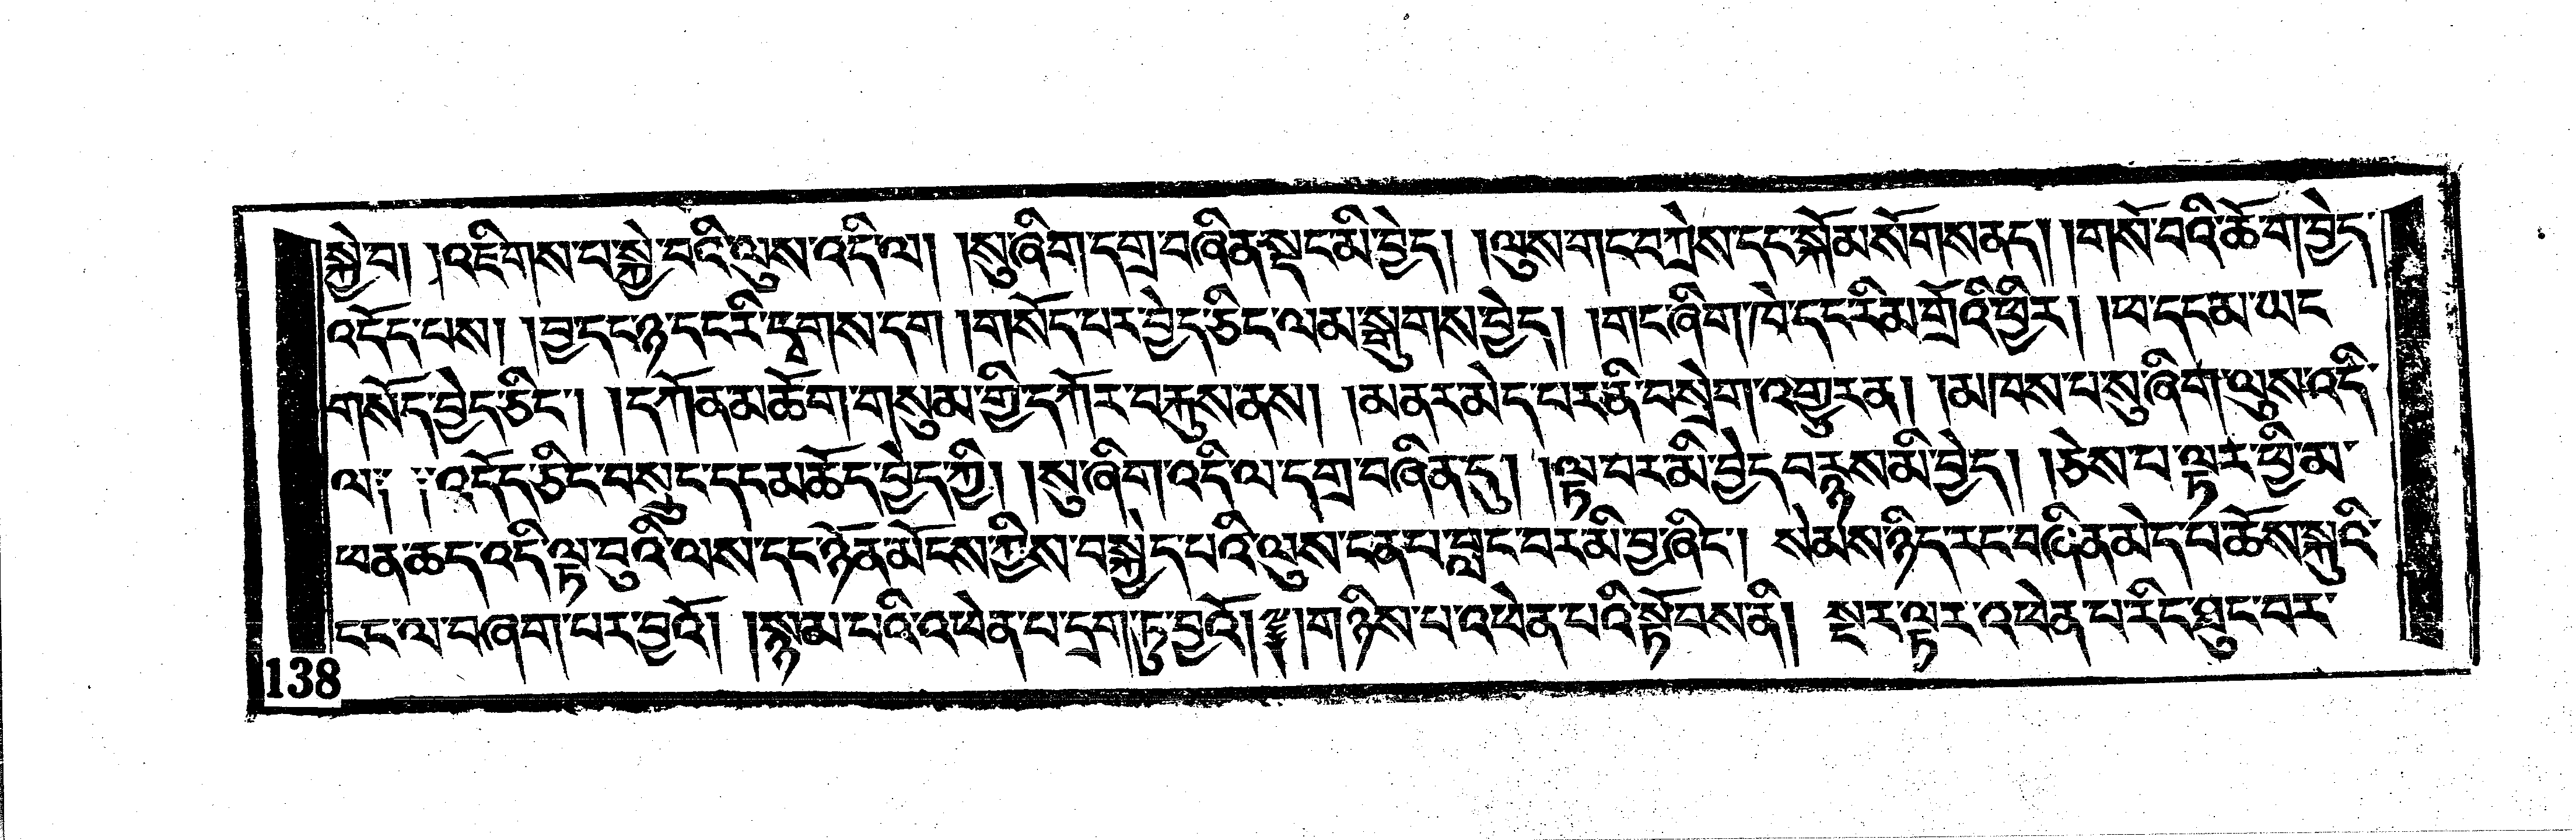སྐྱེ་བ། །འཇིགས་པ་སྐྱེ་བའི་ལུས་འདི་ལ། །སུ་ཞིག་དགྲ་བཞིན་ལྡང་མི་བྱེད། །ལུས་གང་བཀྲེས་དང་སྐོམ་སོགས་ནད། །གསོ་བའི་ཆོ་ག་བྱེད་
འདོད་པས། །བྱ་དང་ཉ་དང་རི་དྭགས་དག །གསོད་པར་བྱེད་ཅིང་ལམ་སྒུགས་བྱེད། །གང་ཞིག་ཁེ་དང་རིམ་གྲོའི་ཕྱིར། །ཕ་དང་མ་ཡང་
གསོད་བྱེད་ཅིང་། །དཀོན་མཆོག་གསུམ་གྱི་དཀོར་བརྐུས་ནས། །མནར་མེད་པར་ནི་བསྲེག་འགྱུར་ན། །མཁས་པ་སུ་ཞིག་ལུས་འདི་
ལ༑ ༑འདོད་ཅིང་བསྲུང་དང་མཆོད་བྱེད་ཀྱི། །སུ་ཞིག་འདི་ལ་དགྲ་བཞིན་དུ། །ལྟ་བར་མི་བྱེད་བརྙས་མི་བྱེད། །ཅེས་པ་ལྟར་ཕྱི་མ་
ཕན་ཆད་འདི་ལྟ་བུའི་ལས་དང་ཉོན་མོངས་ཀྱིས་བསྐྱེད་པའི་ལུས་ངན་པ་བླང་བར་མི་བྱ་ཞིང་། སེམས་ཉིད་རང་བཞིན་མེད་པ་ཆོས་སྐུའི་
ངང་ལ་བཞག་པར་བྱའོ། །སྙམ་པའི་འཕེན་པ་དྲག་ཏུ་བྱའོ། ༈ །གཉིས་པ་འཕེན་པའི་སྟོབས་ནི། སྔར་ལྟར་འཕེན་པ་རིང་ཐུང་བར་